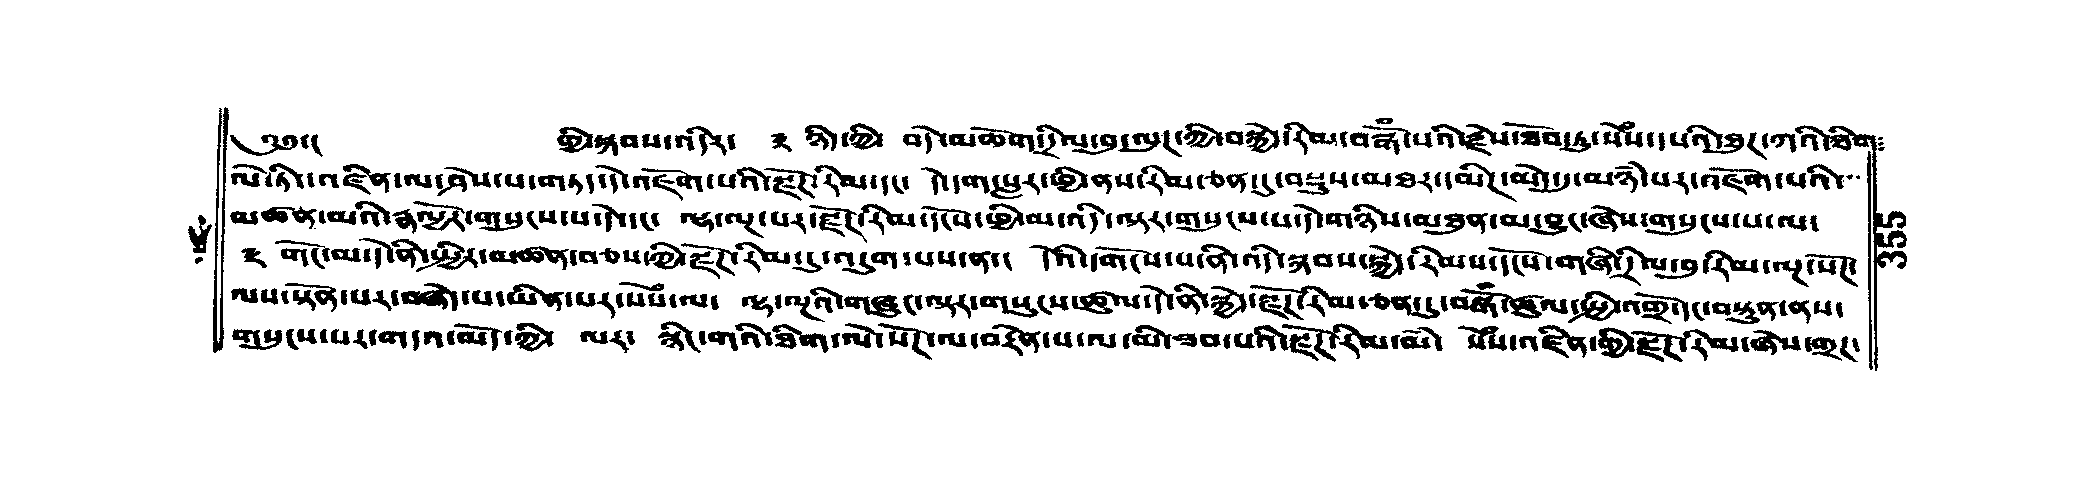གྱི་སྐབས་འདིར། ཉིད་ཀྱི། བདེ་མཆོག་དྲིལ་བུ་ལུགས་ཀྱི་བསྐྱེད་རིམ་བསྒོམ་པའི་རྗེས་ཐོབ་ཏུ་སེམས་དཔའི་ཐུགས་ཀའི་ཐིག་
ལེ་ཏིང་འཛིན་ལ་ཤེས་པ་གཏད་དེ་འཇོག་པའི་རྫོགས་རིམ་དང་། དེ་དག་སླར་ཕྱི་ནས་རིམ་ཅན་དུ་བསྡུས་མཐར་དམིགས་མེད་དུ་མཉམ་པར་འཇོག་པའི་
མཚན་མའི་རྣལ་འབྱོར་གསུངས་པ་དེ་དང་། ལྷ་ལྔ་པར་རྫོགས་རིམ་དངོས་ཕྱི་མ་འདི་ལྟར་གསུངས་པ་དེ་གཉིས་མཐུན་མ་བྱུང་ཞེས་གསུངས་པ་ལ། 
གོང་མ་དེ་ནི་སྤྱིར་མཚན་བཅས་ཀྱི་རྫོགས་རིམ་དུ་འདུག་པས་ན། དེའི་དགོངས་པ་ནི་འདི་སྐབས་བསྐྱེད་རིམ་དངོས་གཞི་དྲིལ་བུ་པའི་རིམ་ལྔ་སོགས་
ལས་སྟོན་པར་བཞེད་པ་ཡིན་པར་སེམས་ལ། ལྷ་ལྔའི་གཞུང་ལྟར་གསུངས་ཚུལ་དེ་ནི་བསྐྱེད་རྫོགས་རིམ་ཅན་དུ་བསྒོམ་ཚུལ་སྤྱི་འགྲོ་དང་བསྟུན་ནས་
གསུངས་པར་གདའ་མོད་ཀྱི། ལར། སྙིང་གའི་ཐིག་ལེ་སོགས་ལ་བརྟེན་པ་ལ་མི་ཟབ་པའི་རྫོགས་རིམ་མམ། སེམས་འཛིན་གྱི་རྫོགས་རིམ་ཞེས་གྲགས་